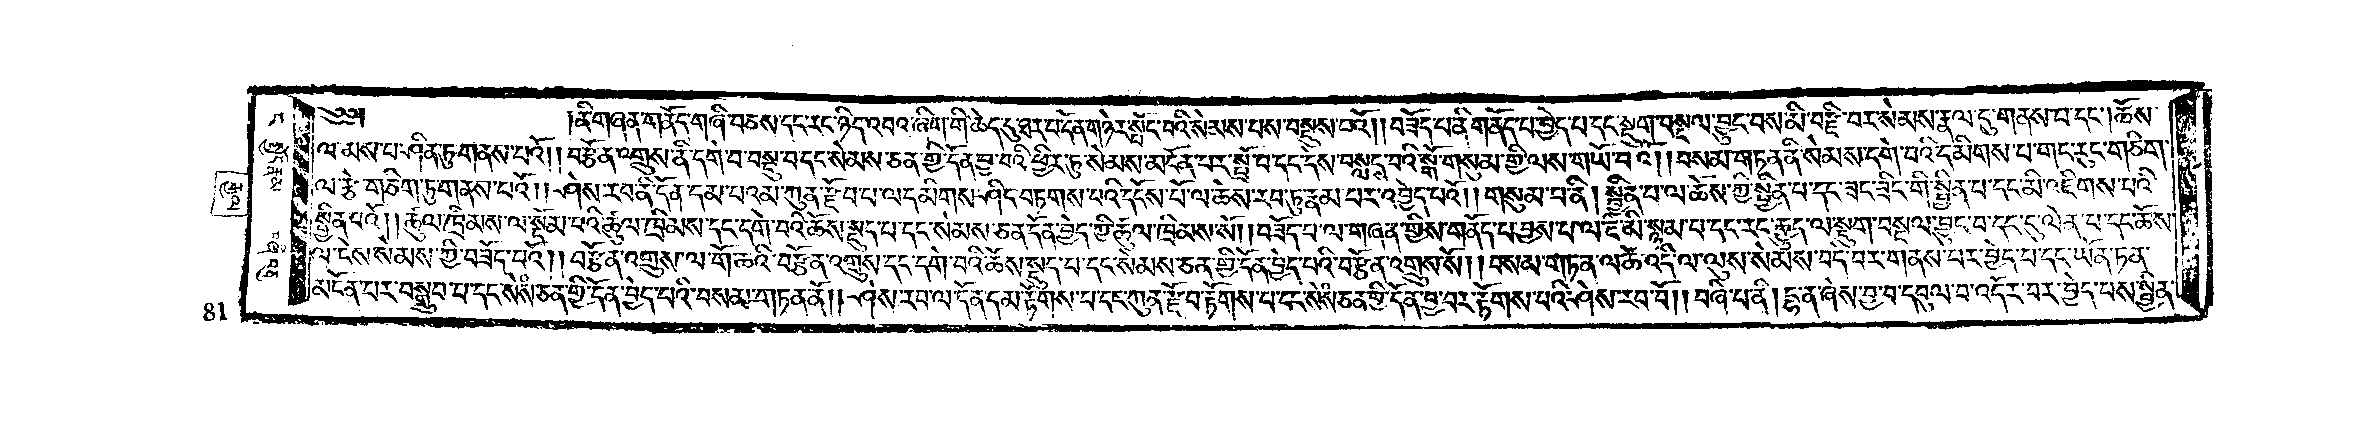༄༅། །ནི་གཞན་གནོད་གཞི་བཅས་དང་རང་ཉིད་འབའ་ཞིག་གི་ཆེད་དུ་ཐར་པ་དོན་གཉེར་སྤོང་བའི་སེམས་པས་བསྡུས་པའོ། །བཟོད་པ་ནི་གནོད་པ་བྱེད་པ་དང་སྡུག་བསྔལ་བྱུང་བས་མི་བརྫི་པར་སེམས་རྣལ་དུ་གནས་པ་དང་། ཆོས་
ལ་མས་པ་ཤིན་ཏུ་གནས་པའོ། །བརྩོན་འགྲུས་ནི་དགེ་བ་བསྡུ་བ་དང་སེམས་ཅན་གྱི་དོན་བྱ་བའི་ཕྱིར་ཏུ་སེམས་མངོན་པར་སྤྲོ་བས་དང་དེས་བསླངས་པའི་སྒོ་གསུམ་གྱི་ལས་གཡོ་བའོ། །བསམ་གཏན་ནི་སེམས་དགེ་བའི་དམིགས་པ་གང་དུང་གཅིག་
ལ་རྩེ་གཅིག་ཏུ་གནས་པའོ། །ཤེས་རབ་ནི་དོན་དམ་པའམ་ཀུན་རྫོབ་པ་ལ་དམིགས་ཤིང་བཏགས་པའི་དངོས་པོ་ལ་ཆོས་རབ་ཏུ་རྣམ་པར་འབྱེད་པའོ། །གསུམ་པ་ནི། སྦྱིན་པ་ལ་ཆོས་ཀྱི་སྦྱིན་པ་དང་ཟང་ཞིང་གི་སྦྱིན་པ་དང་མི་འཇིགས་པའི་
སྦྱིན་པའོ། །ཚུལ་ཁྲིམས་ལ་སྡོམ་པའི་ཚུལ་ཁྲིམས་དང་དགེ་བའི་ཆོས་སྡུད་པ་དང་སེམས་ཅན་དོན་བྱེད་ཀྱི་ཚུལ་ཁྲིམས་སོ། །བཟོད་པ་ལ་གཞན་གྱིས་གནོད་པ་བྱས་པ་ལ་ཇི་མི་སྙམ་པ་དང་རང་རྒྱུད་ལ་སྡུག་བསྔལ་བྱུང་བ་དང་དུ་ལེན་པ་དང་ཆོས་
ལ་ངེས་སེམས་ཀྱི་བཟོད་པའོ། །བརྩོན་འགྲུས་ལ་གོ་ཆའི་བརྩོན་འགྲུས་དང་དགེ་བའི་ཆོས་སྡུད་པ་དང་སེམས་ཅན་གྱི་དོན་བྱེད་པའི་བརྩོན་འགྲུས་སོ། །བསམ་གཏན་ལ་ཚེ་འདི་ལ་ལུས་སེམས་བདེ་བར་གནས་པར་བྱེད་པ་དང་ཡོན་ཏན་
མངོན་པར་བསྒྲུབ་པ་དང་སེམས་ཅན་གྱི་དོན་བྱེད་པའི་བསམ་གཏན་ནོ། །ཤེས་རབ་ལ་དོན་དམ་རྟོགས་པ་དང་ཀུན་རྫོབ་རྟོགས་པ་དང་སེམས་ཅན་གྱི་དོན་བྱ་བར་རྟོགས་པའི་ཤེས་རབ་བོ། །བཞི་པ་ནི། དྷ་ན་ཞེས་བྱ་བ་དབུལ་བ་འདོར་བྱར་བྱེད་པས་སྦྱིན་